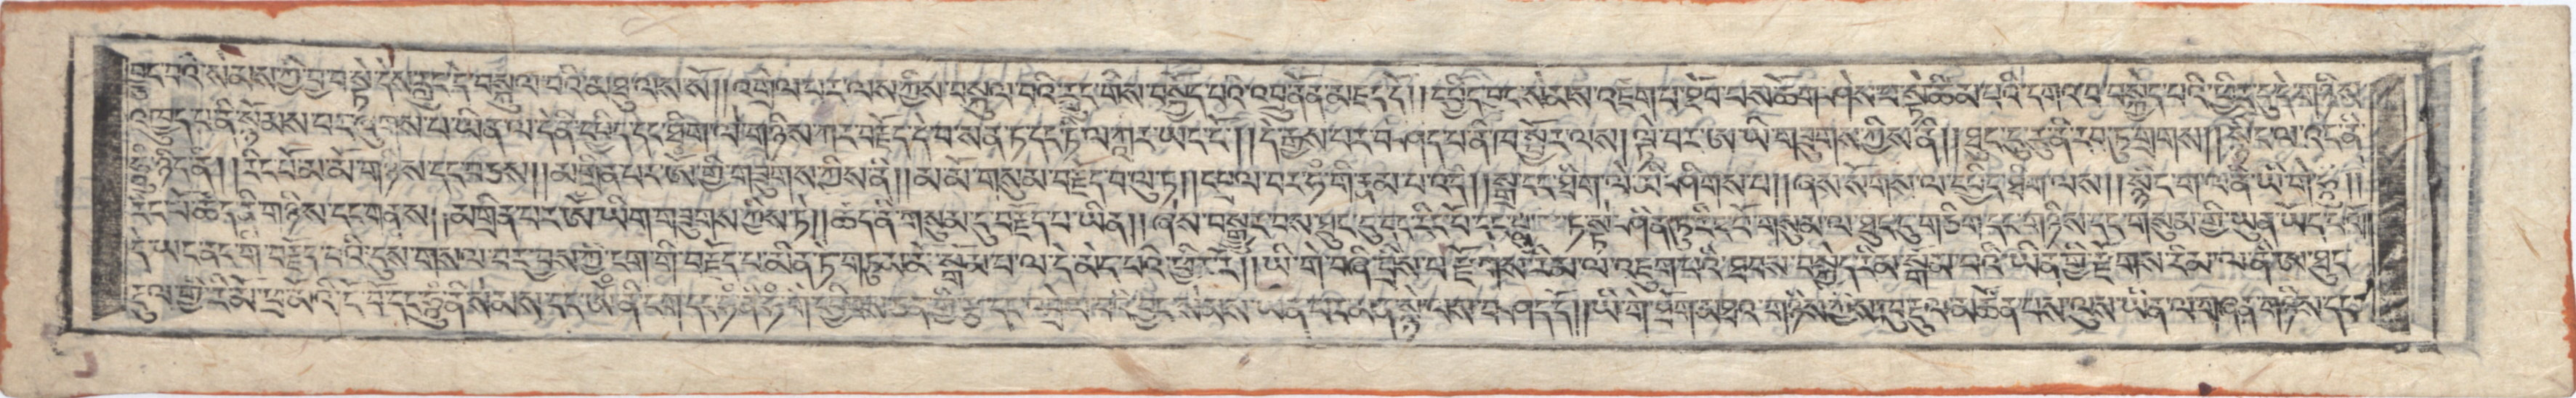བྱུང་བའི་སེམས་ཀྱི་བྱ་བ་སྟེ་དེས་རླུང་དེ་བསྐུལ་བའི་མཐུ་ལས་སོ། །འགྲེལ་པར་ལས་ཀྱིས་བསྐུལ་བའི་རླུང་གིས་བསྐྱོད་པའི་འབྲུ་ནོན་མཛད་དོ། །དཔྱིད་བྱང་སེམས་འཛག་པ་ཐོབ་པས་ཆོག་ཤེས་པ་སྟེ་ཚིམ་པའི་དགའ་བ་བསྐྱེད་པའི་ཕྱིར་དུ་དེ་གཉིས་
འཁྱུད་པ་ནི་སྙོམས་པར་ཞུགས་པ་ཡིན་ལ་དེ་ནི་དཔྱིད་དང་ཐིག་ལེ་གཉིས་ཀར་བརྗོད་དེ་བ་སན་ཏ་དང་ཏི་ལ་ཀླར་ཡང་ངོ། །དེ་རྒྱས་པར་བཤད་པ་ནི་ཁ་སྦྱོར་ལས། ལྟེ་བར་ཨ་ཡི་གཟུགས་ཀྱིས་ནི། །ཐུང་ངུ་རུ་ནི་རབ་ཏུ་གྲགས། །སྙིང་ལ་འང་ནི་
ཧཱུཾ་ཉིད་ནི། །རིང་པོ་མ་མོ་གཉིས་དང་བཅས། །མགྲིན་པར་ཨོཾ་གྱི་གཟུགས་ཀྱིས་ནི། །མ་མོ་གསུམ་བརྗོད་བ་ལུ་ཏ། །དཔྲལ་བར་ཧཾ་གི་རྣམ་པ་འདི། །སྒྲ་དང་ཐིག་ལེ་མི་ཤིགས་པ། །ཞེས་སོགས་ལ་དཔྱིད་ཐིག་ལས། །སྙིང་ག་ལ་ནི་ཡི་གེ་ཧཱུཾ། །
རིང་པོ་ཚད་ནི་གཉིས་དང་གནས། །མགྲིན་པར་ཨོཾ་ཡིག་གཟུགས་ཀྱིས་ཏེ། །ཚད་ནི་གསུམ་དུ་བརྗོད་པ་ཡིན། །ཞེས་བསྒྱུར་བས་ཐུང་ངུ་དང་རིང་པོ་དང་བླུ་ཏ་སྟེ་ཤིན་ཏུ་རིང་པོ་གསུམ་ལ་ཐུང་ངུ་གཅིག་དང་གཉིས་དང་གསུམ་གྱི་ཡུན་ཡོད་པའོ། །
དེ་ཡང་ནང་གི་བརྗོད་པའི་དུས་གསལ་བར་བྱས་ཀྱི་ངག་གི་བརྗོད་པ་མིན་ཏེ་གཏུམ་མོ་སྒོམ་པ་ལ་དེ་མེད་པའི་ཕྱིར་རོ། །ཡི་གེ་བཞི་བྲིས་པ་རྫོགས་རིམ་ལ་འཇུག་པའི་ཐབས་བསྐྱེད་རིམ་སྒོམ་པའི་ཡིན་གྱི་རྫོགས་རིམ་ལ་ནི་ཨ་ཐུང་
རྡུལ་གྱི་རི་མོ་ཕྲ་མོའི་ངོ་བོ་དང་ཧཱུཾ་ནི་སེམས་དང་ཨོཾ་ནི་ངག་དང་ཧཾ་ནི་ཧཾ་གི་དབྱིབས་ཅན་གྱི་རྩ་དང་འབྲེལ་བའི་བྱང་སེམས་ཡིན་པར་མན་སྙེ་ལས་བཤད་དོ། །ཡི་གེ་ཐོག་མཐའ་གཉིས་ཀྱིས་ཁུ་རྡུལ་མཚོན་པས་ལུས་ཡིན་ལ་གཞན་གཉིས་དང་